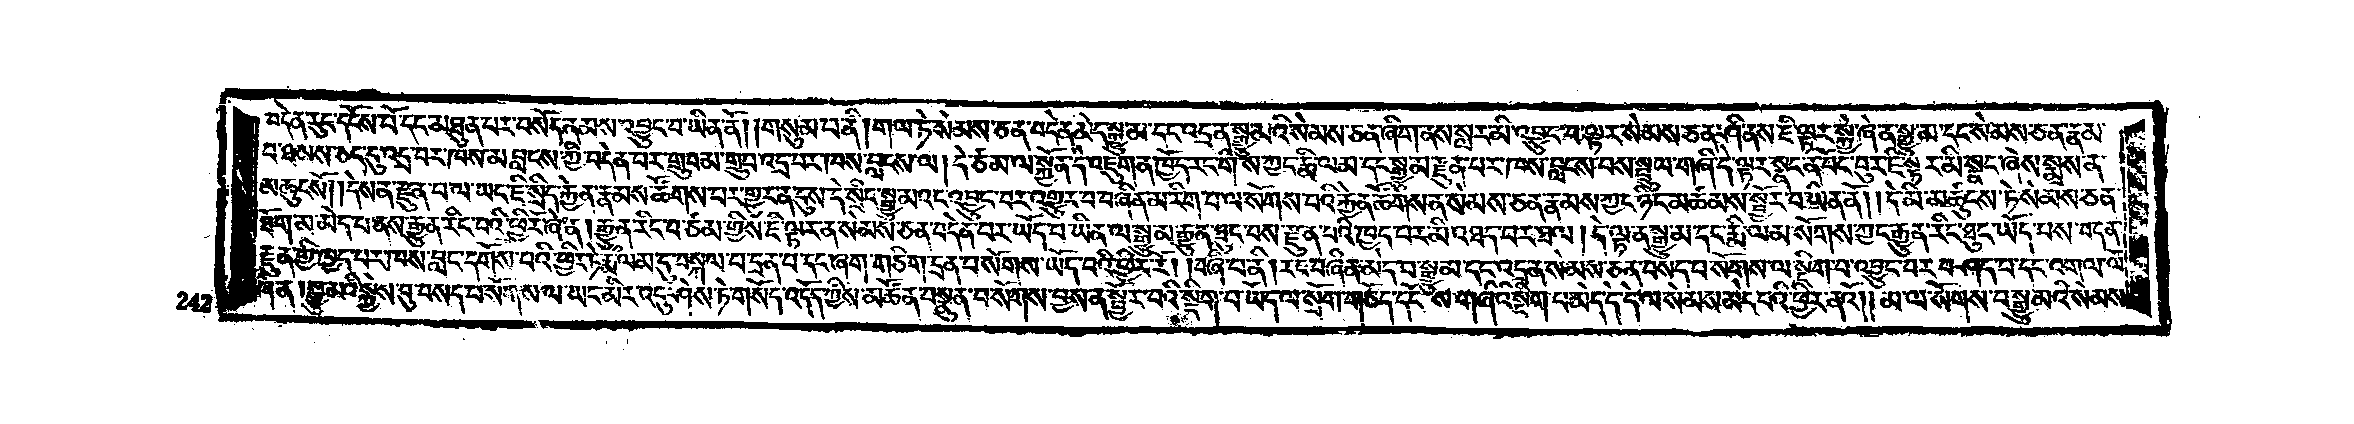བདེན་རུང་དངོས་པོ་དང་མཐུན་པར་བསོད་ནམས་འབྱུང་བ་ཡིན་ནོ། །གསུམ་པ་ནི། གལ་ཏེ་སེམས་ཅན་བདེན་མེད་སྐྱུ་མ་དང་འདྲ་ན་སྒྱུ་མའི་སེམས་ཅན་ཞིག་ནས་སླར་མི་འབྱུང་བ་ལྟར་སེམས་ཅན་ཤི་ནས་ཇི་ལྟར་སྐྱེ་ཞེ་ན་སྒྱུ་མ་དང་སེམས་ཅན་རྣམ་
པ་ཐམས་ཅད་དུ་འདྲ་བར་ཁས་མ་བླངས་ཀྱི་བདེན་པར་གྲུབ་མ་གྲུབ་འདྲ་བར་ཁས་བླངས་ལ། དེ་ཙམ་ལ་སྐྱོན་མེ་འཇུག་ན་ཁྱོད་རང་གི་ས་ཀྱང་རྨི་ལམ་དང་སྒྱུ་མ་རྫུན་པར་ཁས་བླངས་པས་སྤྲུལ་གཞི་དེ་ལྟར་སྣང་ན་བོང་བུར་ཇི་སྟེར་མི་སྣང་ཞེས་སྨྲས་ན་
མཚུངས་སོ། །དེས་ན་རྫུན་པ་ལ་ཡང་ཇི་སྲིད་རྐྱེན་རྣམས་ཚོགས་པར་གྱུར་ན་དུས་དེ་སྲིད་སྒྱུ་མའང་འབྱུང་བར་འགྱུར་བ་བཞིན་མ་རིག་པ་ལ་སོགས་པའི་རྐྱེན་ཚོགས་ན་སེམས་ཅན་རྣམས་ཀྱང་ཉིང་མཚམས་སྦྱོར་བ་ཡིན་ནོ། །དེ་མི་མཚུངས་ཏེ་སེམས་ཅན་
ཐོག་མ་མེད་པ་ནས་རྒྱུན་རིང་པའི་ཕྱིར་རོ་ཞེ་ན། རྒྱུན་རིང་བ་ཙམ་གྱིས་ཇི་ལྟར་ན་སེམས་ཅན་བདེན་པར་ཡོད་པ་ཡིན་ལ་སྒྱུ་མ་རྒྱུན་ཐུང་བས་རྫུན་པའི་ཁྱད་པར་མི་འཐད་པར་ཐལ། དེ་ལྟ་ན་སྒྱུ་མ་དང་རྨི་ལམ་སོགས་ཀྱང་རྒྱུན་རིང་ཐུང་ཡོད་པས་བདེན་
རྫུན་གྱི་ཁྱད་པར་ཁས་བླང་དགོས་པའི་ཕྱིར་ཏེ་རྨི་ལམ་དུ་བསྐལ་པ་དྲན་པ་དང་ཟག་གཅིག་དྲན་པ་སོགས་ཡོད་པའི་ཕྱིར་རོ། །བཞི་པ་ནི། རང་བཞིན་མེད་པ་སྒྱུ་མ་དང་འདྲ་ན་སེམས་ཅད་བསད་པ་སོགས་ལ་སྡིག་པ་འབྱུང་བར་བཤད་པ་དང་འགལ་ལོ་
ཞེ་ན། སྒྱུ་མའི་སྐྱེས་བུ་བསད་པ་སོགས་ལ་ཡང་མིར་འདུ་ཤེས་ཏེ་གསོད་འདོད་ཀྱིས་མཚོན་བསྣུན་པ་སོགས་བྱས་ན་སྦྱོར་བའི་སྡིག་པ་ཡོད་ལ་སྲོག་གཅོད་དངོས་གཞིའི་སྡིག་པ་མེད་དེ་དེ་ལ་སེམས་མེད་པའི་ཕྱིར་ནའོ། །མ་ལ་སོགས་པ་སྒྱུ་མའི་སེམས་